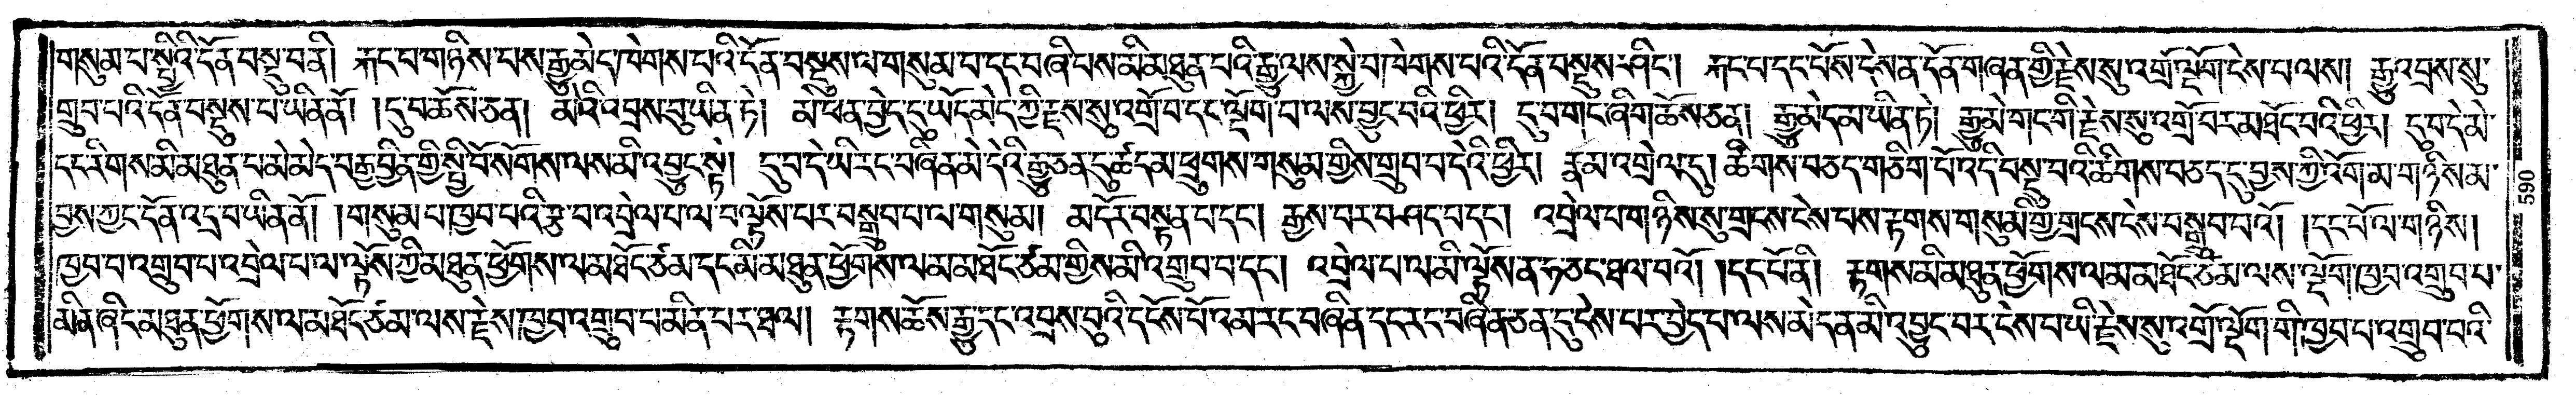གསུམ་པ་སྤྱིའི་དོན་བསྡུ་བ་ནི། རྐང་པ་གཉིས་པས་རྒྱུ་མེད་ཁེགས་པའི་དོན་བསྡུས་ལ་གསུམ་པ་དང་བཞི་པས་མི་མཐུན་པའི་རྒྱུ་ལས་སྐྱེ་བ་ཁེགས་པའི་དོན་བསྡུས་ཤིང་། རྐང་པ་དང་པོས་དེས་ན་དོན་གཞན་གྱི་རྗེས་སུ་འགྲོ་ལྡོག་ངེས་པ་ལས། རྒྱུ་འབྲས་སུ་
གྲུབ་པའི་དོན་བསྡུས་པ་ཡིན་ནོ། །དུ་བ་ཆོས་ཅན། མེའི་འབྲས་བུ་ཡིན་ཏེ། མེ་ཕན་བྱེད་དུ་ཡོད་མེད་ཀྱི་རྗེས་སུ་འགྲོ་བ་དང་ལྡོག་པ་ལས་བྱུང་བའི་ཕྱིར། དུ་བ་གང་ཞིག་ཆོས་ཅན། རྒྱུ་མེད་མ་ཡིན་ཏེ། རྒྱུ་མེ་གང་གི་རྗེས་སུ་འགྲོ་བར་མཐོང་བའི་ཕྱིར། དུ་བ་དེ་མེ་
དང་རིགས་མི་མཐུན་པ་མེ་མེད་བརྒྱ་བྱིན་གྱི་སྤྱི་བོ་སོགས་ལས་མི་འབྱུང་སྟེ། དུ་བ་དེ་ཡི་རང་བཞིན་མེ་དེའི་རྒྱུ་ཅན་དུ་ཚད་མ་ཕྲུགས་གསུམ་གྱིས་གྲུབ་པ་དེའི་ཕྱིར། རྣམ་འགྲེལ་དུ། ཚིགས་བཅད་གཅིག་པོ་འདི་བསྡུ་བའི་ཚིགས་བཅད་དུ་བྱས་ཀྱི་འོག་མ་གཉིས་མ་
བྱས་ཀྱང་དོན་འདྲ་བ་ཡིན་ནོ། །གསུམ་པ་ཁྱབ་པའི་རྩ་བ་འབྲེལ་པ་ལ་བལྟོས་པར་བསྒྲུབ་པ་ལ་གསུམ། མདོར་བསྟན་པ་དང་། རྒྱས་པར་བཤད་པ་དང་། འབྲེལ་པ་གཉིས་སུ་གྲངས་ངེས་པས་རྟགས་གསུམ་གྱི་གྲངས་ངེས་བསྒྲུབ་པའོ། །དང་པོ་ལ་གཉིས།
ཁྱབ་པ་འགྲུབ་པ་འབྲེལ་པ་ལ་ལྟོས་ཀྱི་མཐུན་ཕྱོགས་ལ་མཐོང་ཙམ་དང་མི་མཐུན་ཕྱོགས་ལ་མ་མཐོང་ཙམ་གྱིས་མི་འགྲུབ་པ་དང་། འབྲེལ་པ་ལ་མི་ལྟོས་ན་ཧ་ཅང་ཐལ་བའོ། །དང་པོ་ནི། རྟགས་མི་མཐུན་ཕྱོགས་ལ་མ་མཐོང་ཙམ་ལས་ལྡོག་ཁྱབ་འགྲུབ་པ་
མིན་ཞིང་མཐུན་ཕྱོགས་ལ་མཐོང་ཙམ་ལས་རྗེས་ཁྱབ་འགྲུབ་པ་མིན་པར་ཐལ། རྟགས་ཆོས་རྒྱུ་དང་འབྲས་བུའི་དངོས་པོའམ་རང་བཞིན་དང་རང་བཞིན་ཅན་དུ་ངེས་པར་བྱེད་པ་ལས་མེད་ན་མི་འབྱུང་བར་ངེས་པ་ཡི་རྗེས་སུ་འགྲོ་ལྡོག་གི་ཁྱབ་པ་འགྲུབ་པའི་